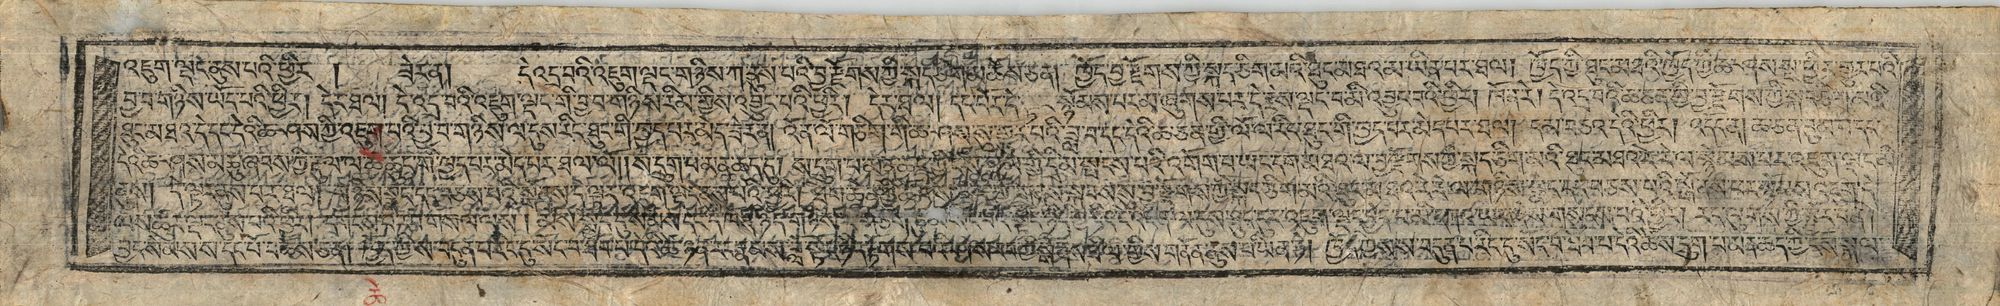འཇུག་ལྡང་ནུས་པའི་ཕྱིར། ཟེར་ན། དེ་འདྲ་བའི་འཇུག་ལྡང་གཉིས་ཀ་ནུས་པའི་བྱ་རྫོགས་ཀྱི་སྐད་ཅིག་མ་ཆོས་ཅན། ཁྱོད་བྱ་རྫོགས་ཀྱི་སྐད་ཅིག་མའི་ཐུང་མཐའ་མ་ཡིན་པར་ཐལ། ཁྱོད་ཀྱི་ཐུང་མཐའི་ཁྱོད་ཀྱི་ཆ་ཤས་སྔ་ཕྱིར་གྱུར་པའི་
བྱ་བ་གཉིས་ཡོད་པའི་ཕྱིར། དེར་ཐལ། དེ་འདྲ་བའི་འཇུག་ལྡང་གི་བྱ་བ་གཉིས་རིམ་གྱིས་འབྱུང་བའི་ཕྱིར། དེར་ཐལ། དང་པོར་དེ་ལྟར་སྙོམས་པར་མ་ཞུགས་པར་དེ་རྗེས་ལྡང་བ་མི་འབྱུང་བའི་ཕྱིར། ཁོ་ན་རེ། དེ་འདྲ་བའི་ཆ་ཅན་གྱི་བྱ་རྫོགས་ཀྱི་སྐད་ཅིག་མའི་
ཐུང་མཐའ་དེ་དང་དེའི་ཆ་ཤས་ཀྱི་འཇུག་པའི་བྱ་བ་གཉིས་ལ་དུས་རིང་ཐུང་གི་ཁྱད་པར་མེད་ཟེར་ན། འོ་ན་ལོ་གཅིག་གི་ཆ་ཤས་སུ་གྱུར་པའི་ཟླ་བ་དང་དེའི་ཆ་ཅན་གྱི་ལོ་ལ་རིང་ཐུང་གི་ཁྱད་པར་མེད་པར་ཐལ། དམ་བཅའ་དེའི་ཕྱིར། འདོད་ན། ཆ་ཅན་བུམ་པ་དང་
དེའི་ཆ་ཤས་མཆུ་ཞབས་ཀྱི་རྡུལ་ལ་ཆེ་ཆུང་གི་ཁྱད་པར་མེད་པར་ཐལ་ལོ། །ས་དྲུག་པ་མན་ཆད་དུ། ས་དྲུག་པ་མན་ཆད་ཀྱི་ངོས་སྐལ་གྱི་དྲི་མ་སྤངས་པའི་འགོག་པ་ཡང་དག་མཐའ་ལ་བྱ་རྫོགས་ཀྱི་སྐད་ཅིག་མའི་ཐུང་མཐའ་རེ་རེ་ལ་སྙོམས་པར་འཇུག་ལྡང་མི་
ནུས་ཟེར་ན་དེ་ལྟར་ནུས་པར་ཐལ། གཉིས་སྣང་དང་བཅས་པའི་སྒོ་ནས་དེ་ལྟར་འཇུག་ལྡང་ནུས་པའི་ཕྱིར། ཐེག་ཆེན་གྱི་ཚོགས་སྦྱོར་གྱི་གནས་སྐབས་སུ་བྱ་རྫོགས་ཀྱི་སྐད་ཅིག་མའི་ཐུང་མཐའ་རེ་རེ་ལ་གཉིས་སྣང་དང་བཅས་པའི་སྒོ་ནས་ཕར་སྙོམས་འཇུག་དེ་
ལས་ཚུར་ལྡང་ནུས་བའི་ཕྱིར། དགོངས་པ་རབ་གསལ་ལས། མོས་སྤྱོད་དུ་སེམས་དང་དེ་ཁོ་ན་ཉིད་གཉིས་རོ་གཅིག་ཏུ་མ་སོང་བའི་སྟོང་ཉིད་ཀྱི་ཏིང་ངེ་འཛིན་ལ་དུས་ཐུང་དུང་འཇུག་ལྡང་བྱེད་པ་མི་དཀའ་ཡང་ཞེས་གསུངས་པའི་ཕྱིར། རང་ལུགས་ཀྱི་སྦྱོར་བ་ནི།
བྱང་སེམས་ས་དང་པོ་བ་ཆོས་ཅན། ཁྱོད་ཀྱི་ས་བདུན་པ་རིང་དུ་སོང་བ་ཐོབ་པ་དེའི་ཚེ་ཉན་རང་རྣམས་བློ་སྟོང་ཉིད་རྟོགས་པའི་ཤེས་རབ་ཀྱི་སྒོ་ནས་ཟིལ་གྱིས་གནོན་ནུས་པ་ཡིན་ཏེ། ཁྱོད་ཀྱིས་ས་བདུན་པ་རིང་དུ་སོང་བ་ཐོབ་པ་དེའི་ཚེ་ས་དྲུག་པ་མན་ཆད་ཀྱི་ངོས་སྐལ་